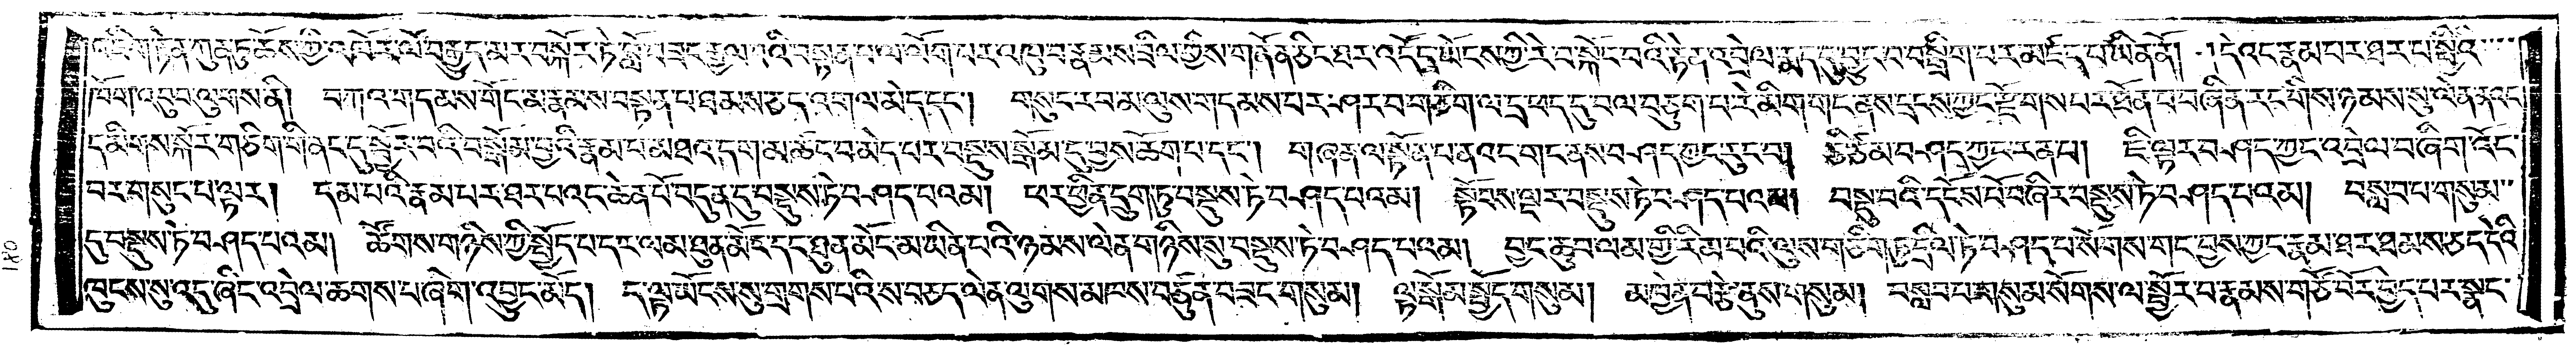འཇིག་རྟེན་ཀུན་ཏུ་ཆོས་ཀྱི་འཁོར་ལོ་བརྒྱུད་མར་བསྐོར་ཏེ་བློ་བཟང་རྒྱལ་བའི་བསྟན་པ་ལ་ལོག་པར་འཁུ་བ་རྣམས་ཟིལ་གྱིས་གནོན་ཅིང་ཐར་འདོད་ཡོངས་ཀྱི་རེ་བ་སྐོང་བའི་རྟེན་འབྲེལ་རྨད་དུ་བྱུང་བ་བསྒྲིག་པར་མཛད་པ་ཡིན་ནོ། །དེའང་རྣམ་པར་ཐར་པ་སྤྱིའི་
ཁོག་འབུབ་ལུགས་ནི། བཀའ་གདམས་གོང་མ་རྣམས་བསྟན་པ་ཐམས་ཅད་འགལ་མེད་དང་། གསུང་རབ་མ་ལུས་གདམས་པར་ཤར་བ་གཅིག་ལ་དྲ་ཕད་དུ་བལ་བཅུག་པ་རེ་མིག་གང་ནས་དྲངས་ཀྱང་རྫོགས་པར་ཐོན་པ་བཞིན་རང་གིས་ཉམས་སུ་ལེན་ནའང་
དམིགས་སྐོར་གཅིག་གི་ནང་དུ་སྦྱོར་བའི་བསྒོམ་བྱའི་རྣམ་པ་མཐའ་དག་མ་ཚང་བ་མེད་པར་བསྡུས་སྒོམ་དུ་བྱས་ཆོས་པ་དང་། གཞན་ལ་སྟོན་པ་ནའང་གང་ནས་བཤད་ཀྱང་རུང་བ། ཅི་ཙམ་བཤད་ཀྱང་རན་པ། ཇི་ལྟར་བཤད་ཀྱང་འབྲེལ་བ་ཞིག་འོང་
བར་གསུང་པ་ལྟར། དམ་པའི་རྣམ་པར་ཐར་པའང་ཆེན་པོ་བདུན་དུ་བསྡུས་ཏེ་བཤད་པའམ། ཕར་ཕྱིན་དྲུག་ཏུ་བསྡུས་ཏེ་བཤད་པའམ། སྟོབས་ལྔར་བསྡུས་ཏེ་བཤད་པའམ། བསྡུ་བའི་དངོས་པོ་བཞིར་བསྡུས་ཏེ་བཤད་པའམ། བསླབ་པ་གསུམ་
དུ་བསྡུས་ཏེ་བཤད་པའམ། ཚོགས་གཉིས་ཀྱི་སྤྱོད་པ་དང་ལམ་ཐུན་མོང་དང་ཐུན་མོང་མ་ཡིན་པའི་ཉམས་ལེན་གཉིས་སུ་བསྡུས་ཏེ་བཤད་པའམ། བྱང་ཆུབ་ལམ་གྱི་རིམ་པའི་ལུས་གཅིག་ཏུ་དྲིལ་ཏེ་བཤད་པ་སོགས་གང་བྱས་ཀྱང་རྣམ་ཐར་ཐམས་ཅད་དེའི་
ཁུངས་སུ་འདུ་ཞིང་འབྲེལ་ཆགས་པ་ཞིག་འབྱུང་མོད། ད་ལྟ་ཡོངས་སུ་གྲགས་པའི་ས་བཅད་ལེན་ལུགས་མཁས་བཙུན་བཟང་གསུམ། ལྟ་སྒོམ་སྤྱོད་གསུམ། མཁྱེན་བརྩེ་ནུས་གསུམ། བསླབ་པ་གསུམ་སོགས་ལ་སྦྱོར་བ་རྣམས་གཙོ་བོར་བྱེད་པར་སྣང་